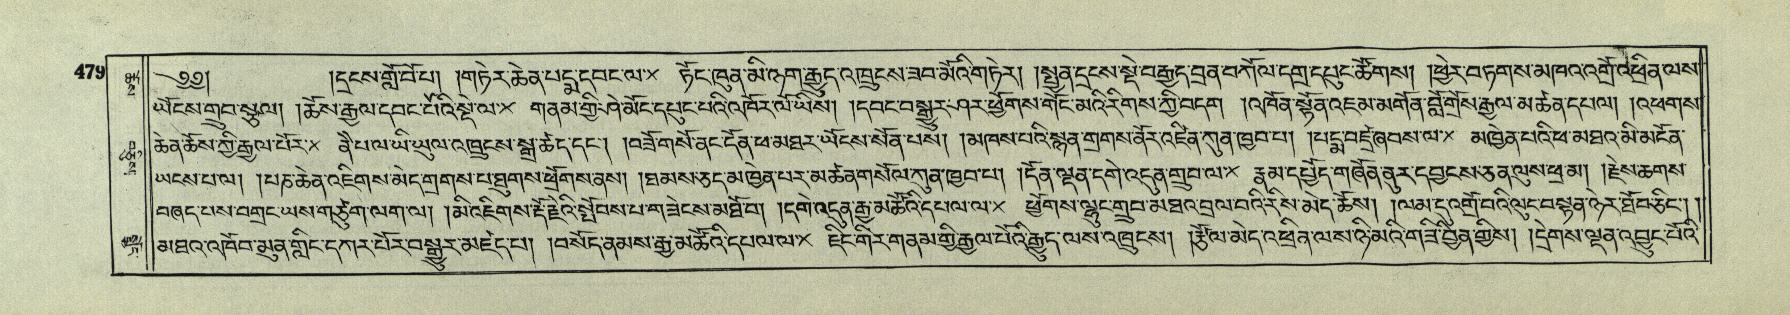༄༅། །དྲངས་གློ་བོ་པ། །གཏེར་ཆེན་པདམ་དབང་ལ་྾་ཏོང་ཁུན་མི་ཉག་རྒྱུད་འཁྲུངས་ཟབ་མོའི་གཏེར། །སྤྱན་དྲངས་སྡེ་བརྒྱད་བྲན་བཀོལ་དགྲ་དཔུང་ཚོགས། །ཕྱེར་བཏགས་མཁའ་འགྲོ་འཕྲིན་ལས་
ཡོངས་གྲུབ་སྩལ། །ཆོས་རྒྱལ་དབང་པོའི་སྡེ་ལ་྾་གནམ་གྱི་ཤེ་མོང་དཔུང་པའི་འཁོར་ལོ་ཡིས། །དབང་བསྒྱུར་ཤར་ཕྱོགས་གོང་མའི་རིགས་ཀྱི་བདག །འཁོན་སྟོན་འཇམ་མགོན་བློ་གྲོས་རྒྱལ་མཚན་དཔལ། །འཕགས་
ཆེན་ཆོས་ཀྱི་རྒྱལ་པོར་྾་ནཻ་པ་ལ་ཡི་ཡུལ་འཁྲུངས་སྒྲ་ཚད་དང་། །བཟོ་གསོ་ནང་དོན་ཕ་མཐར་ཡོངས་སོན་པས། །མཁས་པའི་སྙན་གྲགས་ནོར་འཛིན་ཀུན་ཁྱབ་པ། །པདམ་བྫྲ་ཞབས་ལ་྾་མཁྱེན་པའི་ཕ་མཐའ་མི་མངོན་
ཡངས་པ་ལ། །པཎ་ཆེན་འཇིགས་མེད་གྲགས་པ་ཐུགས་ཕྲོགས་ནས། །ཐམས་ཅད་མཁྱེན་པར་མཚན་གསོལ་ཀུན་ཁྱབ་པ། །དོན་ལྡན་དགེ་འདུན་གྲུབ་ལ་྾་རྣམ་དཔྱོད་གཞོན་ནུར་དབྱངས་ཅན་ལུས་ཕྲ་མ། །རྗེས་ཆགས་
བཞད་པས་བགྲང་ཡས་གཙུག་ལག་ལ། །མི་འཇིགས་རྡོ་རྗེའི་སྤོབས་པ་གཟེངས་མཐོ་བ། །དགེ་འདུན་རྒྱ་མཚོའི་དཔལ་ལ་྾་ཕྱོགས་ལྷུང་གྲུབ་མཐའ་བྲལ་བའི་རིས་མེད་ཆོས། །ལམ་དུ་འགྲོ་བའི་ལུང་བསྟན་ཉེར་ཐོབ་ཅིང་། །
མཐའ་འཁོབ་མུན་གླིང་དཀར་པོར་བསྒྱུར་མཛད་པ། །བསོད་ནམས་རྒྱ་མཚོའི་དཔལ་ལ་྾་ཇིང་གིར་གནམ་གྱི་རྒྱལ་པོའི་རྒྱུད་ལས་འཁྲུངས། །རྩོལ་མེད་འཕྲིན་ལས་ཉི་མའི་གཟི་བྱིན་གྱིས། །དྲེགས་ལྡན་འབྱུང་པོའི་